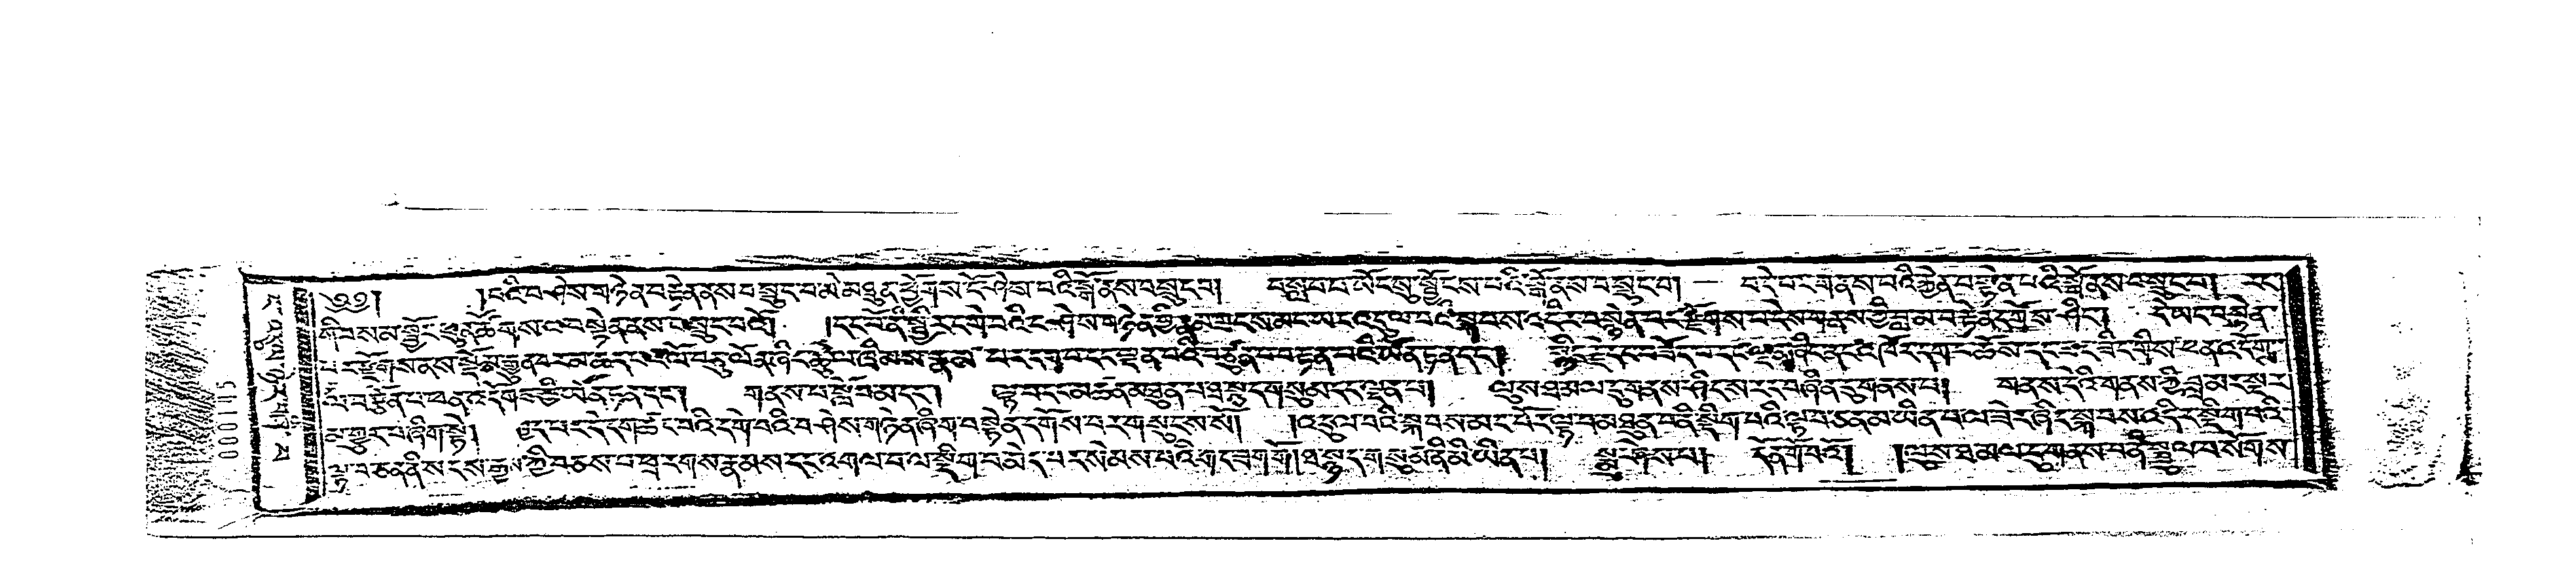༄༅། །བའི་བཤེས་གཉེན་བརྟེན་ནས་བསྲུང་བ་མི་མཐུན་ཕྱོགས་ངོ་ཤེས་པའི་སྒོ་ནས་བསྲུང་བ། བསླབ་པ་ཡོངས་སུ་སྦྱོངས་པའི་སྒོ་ནས་བསྲུང་བ། བདེ་བར་གནས་པའི་རྐྱེན་བསྟེན་པའི་སྒོ་ནས་བསྲུང་བ། རང་
གི་བསམ་སྦྱོར་ཕུན་ཚོགས་ལ་བསྟེན་ནས་བསྲུང་བའོ། །དང་པོ་ནི་སྤྱིར་དགེ་བའི་བཤེས་གཉེན་གྱི་རྣམ་གྲངས་མང་ཡང་འདུལ་བའི་སྐབས་འདིར་བསྙེན་པར་རྫོགས་པ་དེས་གནས་ཀྱི་བླ་མ་བརྟེན་དགོས་ཤིང་། དེ་ཡང་བསྙེན་
པར་རྫོགས་ནས་སྡོམ་རྒྱུན་བར་མ་ཆད་པར་ལོ་བཅུ་ལོན་ཞིང་ཚུལ་ཁྲིམས་རྣམ་པར་དག་པ་དང་ལྡན་པའི་བཙུན་པ་བརྟན་པའི་ཡོན་ཏན་དང་། སྙིང་རྗེ་དང་བཟོད་པ་དང་ལྡན་ཞིང་ནང་འཁོར་དག་ང་ཆོས་དང་ཟང་ཟིང་གིས་ཕན་འདོགས་
ལ་བརྩོན་པ་ཕན་འདོགས་ཀྱི་ཡོན་ཏན་དང་། གནས་པ་སློབ་མ་དང་། ལྟ་བ་དང་མཚན་མཐུན་པ་ཐ་སྙད་གསུམ་དང་ལྡན་པ། ལུས་ཐ་མལ་དུ་གནས་ཤིང་ས་རང་བཞིན་དུ་གནས་པ། གནས་དེའི་གནས་ཀྱི་བླ་མར་སྔར་
མ་གྱུར་པ་ཞིག་སྟེ། ཁྱད་པར་དེ་དག་ཚང་བའི་དགེ་བའི་བཤེས་གཉེན་ཞིག་བསྟེན་དགོས་པར་གསུངས་སོ། །འདུལ་བའི་སྐབས་མང་པོར་ལྟ་བ་མཐུན་པ་ནི་སྡིག་པའི་ལྟ་བ་ཅན་མ་ཡིན་པ་ལ་ཟེར་ཞིང་སྐབས་འདིར་སྡིག་པའི་
ལྟ་བ་ཅན་ནི་སངས་རྒྱས་ཀྱི་བཅས་པ་ཕྲ་རགས་རྣམས་དང་འགལ་བ་ལ་སྡིག་པ་མེད་པར་སེམས་པའི་གང་ཟག་གོ །ཐ་སྙད་གསུམ་ནི་མི་ཡིན་པ། སྨྲ་ཤེས་པ། དོན་གོ་བའོ། །ལུས་ཐ་མལ་དུ་གནས་པ་ནི་སྤྲུལ་པ་སོགས་